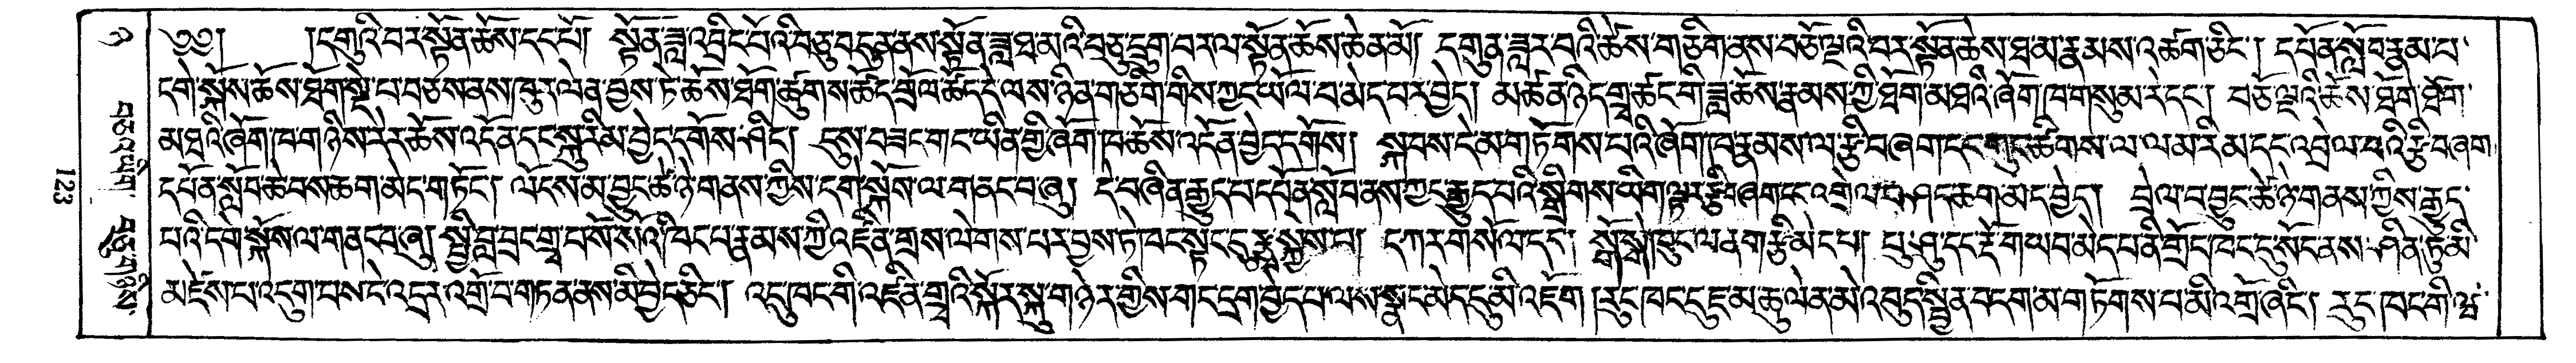༄༅། །དགུའི་བར་སྟོན་ཆོས་དང་པོ། སྟོན་ཟླ་འབྲིང་པོའི་བཅུ་བདུན་ནས་སྟོན་ཟླ་ཐ་མའི་བཅུ་དྲུག་བར་ལ་སྟོན་ཆོས་ཆེན་མོ། དགུན་ཟླ་ང་བའི་ཚེས་གཅིག་ནས་བཅོ་ལྔའི་བར་སྟོན་ཆེས་ཐ་མ་རྣམས་འཚོག་ཅིང་། དཔོན་སློབ་རྣམ་པ་
དགེ་སྐོས་ཆོས་ཐོག་སྡེ་པ་བཅས་ནས་ཁུར་ལེན་བྱས་ཏེ་ཆོས་ཐོག་ཚུགས་ཚོད་གྲོལ་ཚོད་དེ་ལས་ཉིན་གཅིག་གིས་ཀྱང་ཡོལ་བ་མེད་པར་བྱེད། མཚན་ཉིད་གྲྭ་ཚང་གི་ཟླ་ཆོས་རྣམས་ཀྱི་ཐོག་མཐའི་ཞོག་ཁ་གསུམ་རེ་དང་། བཅོ་ལྔའི་ཆོས་ཐོག་ཐོག་
མཐའི་ཞོག་ཁ་གཉིས་རེར་ཆོས་འདོན་དང་སྐུ་རིམ་བྱེད་དགོས་ཤིང་། དུས་བཟང་གང་ཡིན་གྱི་ཞོག་ཁ་ཆོས་འདོན་བྱེད་དགོས། སྐབས་དེ་མ་གཏོགས་པའི་ཞོག་ཁ་རྣམས་ལ་རྩི་བཞག་དང་གུང་ཚིགས་ལ་ལམ་རིམ་དང་འབྲེལ་བའི་རྩི་བཞག་
དཔོན་སློབ་ཆེ་བས་ཆག་མེད་གཏོང་། ལོངས་མ་བྱུང་ཚེ་ཉེ་གནས་ཀྱིས་དགེ་སྐོས་ལ་གནང་བ་ཞུ། དེ་བཞིན་རྒྱུད་པ་དཔོན་སློབ་ནས་ཀྱང་རྒྱུད་པའི་སྒྲིགས་ཡིག་ལྟར་རྩི་བཞག་དང་འགྲེལ་བཤད་ཆག་མེད་བྱེད། བྲེལ་བ་བྱུང་ཚེ་ཉེ་གནས་ཀྱིས་རྒྱུད་
པའི་དགེ་སྐོས་ལ་གནང་བ་ཞུ། སྤྱི་བླ་བྲང་གྲྭ་པ་སོ་སོའི་ཁང་པ་རྣམས་ཀྱི་འཛིན་གྲས་ལེགས་པར་བྱས་ཏེ་ཁང་སྟེང་དུ་རྩྭ་སྐྱེས་པ། དཀར་གསོལ་དང་། སྒོ་སྒེ་ཁུང་ལ་ནག་རྩི་མེད་པ། བུ་ཤུ་དང་རྡོ་གཡབ་མེད་པ་ནི་གྲོང་ཁང་དུ་སོང་ནས་ཤིན་ཏུ་མི་
མཛེས་པ་འདུག་པས་དེ་འདྲར་འགྲོ་བ་གཏན་ནས་མི་བྱེད་ཅིང་། འདུ་ཁང་གི་འཛིན་གྲྭའི་སྐོར་སྐུ་གཉེར་གྱིས་གང་དྲག་བྱེད་པ་ལས་སྣང་མེད་དུ་མི་འཇོག །རུང་ཁང་དུ་ཇ་མ་ཆུ་ལེན་མི་འབུད་སྦྱིན་བདག་མ་གཏོགས་པ་མི་འགྲོ་ཞིང་། རུང་ཁང་གི་ཝ་